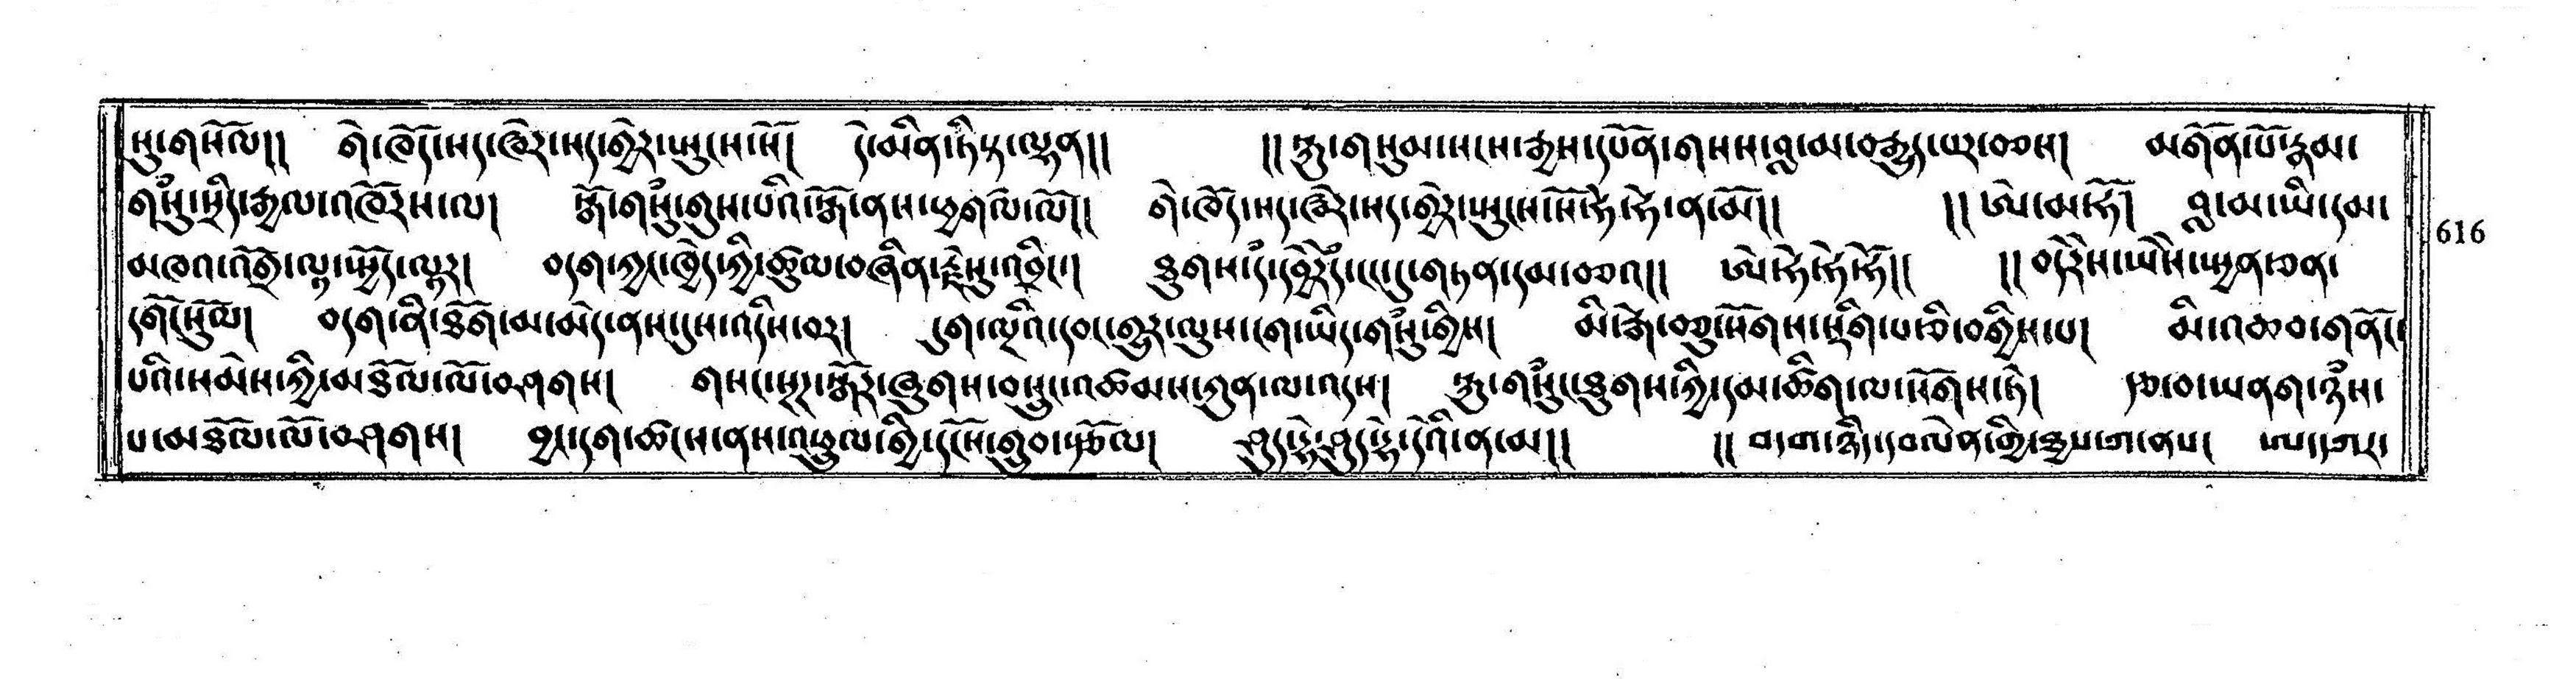སུ་གསོལ།། གེ་ཁོད་སད་ཝེར་སད་གྱེར་སྤུངས་སོ། དེ་མིན་ཏིསྟ་ལྷན།། །།སྐུ་གསུམ་སངས་རྒྱས་དཔོན་གསས་བླ་མ་བརྒྱུད་པར་བཅས། མགོན་པོ་རྣམ་
གསུམ་སྲིད་རྒྱལ་འཁོར་བཅས་ལ། སྒོ་གསུམ་གུས་པའི་སྒོ་ནས་ཕྱག་འཚལ་ལོ།། གེ་ཁོད་སད་ཝེར་སད་གྱེར་སྤུངས་སོ་ཧེ་ཧེ་ན་མོ།། །།ཨེ་མ་ཧོ། བླ་མ་ཡི་དམ་
མཁའ་འགྲོ་ལྟ་སྤྱོད་ལྟར། བདག་ཀྱང་ཁྱེད་ཀྱི་ཚུལ་བཞིན་རྗེས་སུ་འབྲིང་། ཐུགས་དམ་དབྱེར་མེད་ངང་དུ་གཏན་དམ་བཅའ།། ཨེ་ཧེ་ཧེ་ཧོ།། །།བདེར་གཤེགས་ཡེ་ཤེས་སྤྱན་ཅན་
དགོངས་སུ་གསོལ། བདག་ནི་ཐོག་མ་མེད་ནས་དུས་འདིས་བར། དུག་ལྔའི་དབང་གྱུར་ལུས་ངག་ཡིད་གསུམ་གྱིས། མེ་དགེ་བཅུ་སོགས་སྡིག་པ་ཅི་བགྱིས་པ། མི་འཆབ་གནོང་
པའི་སེམས་ཀྱི་མཐོལ་ལོ་བཤགས། གསང་སྔགས་སྒོར་ཞུགས་བསྲུང་འཚམས་ཀུན་ལ་འདས། སྐུ་གསུང་ཐུགས་ཀྱི་དམ་ཚིག་ལ་སོགས་ཏེ། རྩ་བ་ཡན་ལག་ཉམས་
པ་མཐོལ་ལོ་བཤགས། བྱང་དག་ཚངས་ནས་འཕྲུལ་གྱི་དངོས་གྲུབ་སྩོལ། ཤུད་དྷེ་ཤུད་དྷེ་དེའི་ན་མ།། །།བདག་ཉིད་དབལ་ཆེན་གྱི་ཐུགས་ཀ་ནས། ཨ་དཀར་